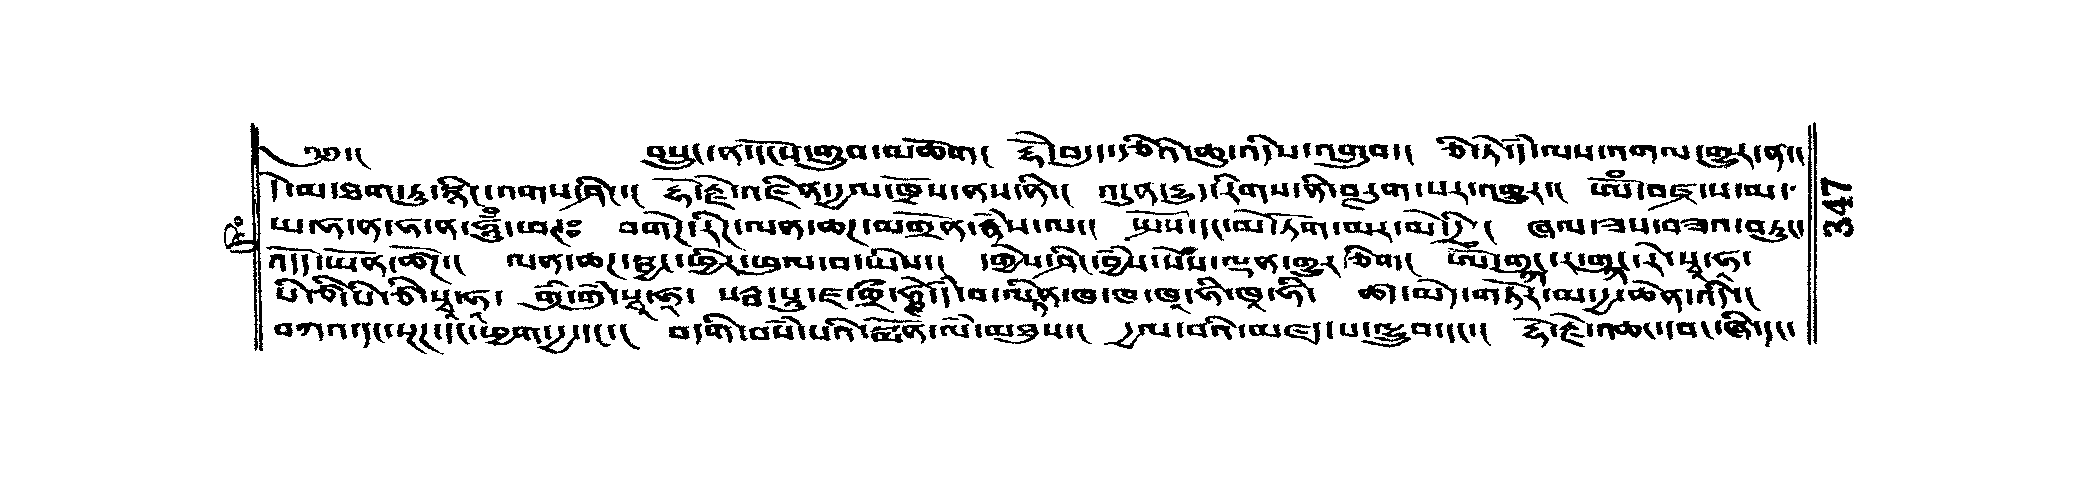བསྲུང་ན་དངོས་གྲུབ་མཆོག །རྡོར་རྗེ་བདུད་རྩི་ཆུ་འདིས་འགྲུབ། །ཅི་ཏེ་དམ་ལས་འགལ་གྱུར་ན། །
དེ་མ་ཐག་ཏུ་སྙིང་འགས་ཤིང་། །རྡོ་རྗེ་འཛིན་རྒྱལ་ཁྲོས་ནས་ནི། །བདུན་རྒྱུད་རིགས་ནི་བརླག་པར་འགྱུར། ཨོཾ་བཛྲ་ས་མ་
ཡ་ཧ་ན་ཧ་ན་ཧཱུྃ་ཕཊཿ བགེགས་རིགས་ལན་ཆགས་མགྲོན་རྣམས་ལ། །སྤོས་དང་མེ་ཏོག་མར་མེ་དྲི། །ཞལ་ཟས་བཟའ་བཏུང་
འདོད་ཡོན་ཚོགས། །ལན་ཆགས་སྦྱང་ཕྱིར་ཕུལ་བ་ཡིས། །དགྱེས་ཤིང་བྱམས་སེམས་ལྡན་གྱུར་ཅིག ཨོཾ་གུངྐ་ར་གུངྐ་རེ་སྭཱ་ཧཱ། 
པི་ཙི་པི་ཙི་སྭཱ་ཧཱ། གུཾ་གུཾ་སྭཱ་ཧཱ། སརྦ་པཱུ་ཛ་གྷྲྀ་ཧ་ཎཾ་དེ་བྷ་ལིངྟ་ཁ་ཁ་ཁཱ་ཧི་ཁཱ་ཧི། ཚད་མེད་གཏོར་མ་རྒྱལ་ཆེན་འདི། །
བཀའ་དང་སྔགས་དང་ཕྱག་རྒྱ་དང་། །བདག་གི་བསམ་པའི་སྨོན་ལམ་མཐུས། །རྒྱལ་བའི་མཛད་པ་ལྷུན་གྲུབ་དང་། །རྡོ་རྗེ་འཆང་དབང་ཞི་དང་